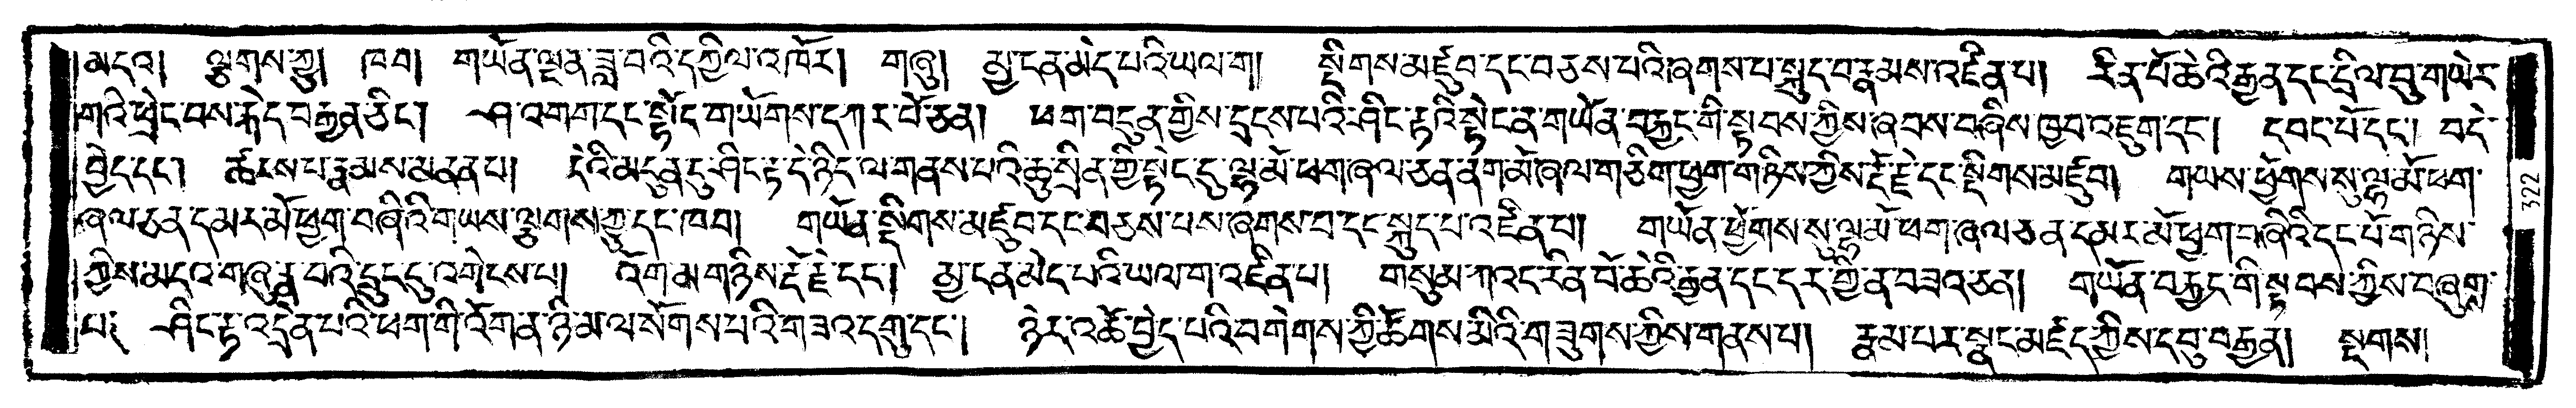མདའ། ལྕགས་ཀྱུ། ཁབ། གཡོན་ལྡན་ཟླ་བའི་དཀྱིལ་འཁོར། གཞུ། མྱ་ངན་མེད་པའི་ཡལ་ག། སྡིགས་མཛུབ་དང་བཅས་པའི་ཞགས་པ་སྐུད་པ་རྣམས་འཛིན་པ། རིན་པོ་ཆེའི་རྒྱན་དང་དྲིལ་བུ་གཡེར་
གའི་ཕྲེང་བས་རྐེད་བརྒྱན་ཅིང་། ཤ་འགག་དང་སྟོང་གཡོགས་དཀར་པོ་ཅན། ཕག་བདུན་གྱིས་དྲངས་པའི་ཤིང་རྟའི་སྟེང་ན་གཡོན་བརྐྱང་གི་སྟབས་ཀྱིས་ཞབས་བཞིས་ཁྱབ་འཇུག་དང་། དབང་པོ་དང་། བདེ་
བྱེད་དང་། ཚངས་པ་རྣམས་མནན་པ། དེའི་མདུན་དུ་ཤིང་རྟ་དེ་ཉིད་ལ་གནས་པའི་ཆུ་སྲིན་གྱི་སྟེང་དུ་ལྷ་མོ་ཕག་ཞལ་ཅན་ནག་མོ་ཞལ་གཅིག་ཕྱག་གཉིས་ཀྱིས་རྡོ་རྗེ་དང་སྡིགས་མཛུབ། གཡས་ཕྱོགས་སུ་ལྷ་མོ་ཕག་
ཞལ་ཅན་དམར་མོ་ཕྱག་བཞིའི་གཡས་ལྕགས་ཀྱུ་དང་ཁབ། གཡོན་སྡིགས་མཛུབ་དང་བཅས་པས་ཞགས་པ་དང་སྐུད་པ་འཛིན་པ། གཡོན་ཕྱོགས་སུ་ལྷ་མོ་ཕག་ཞལ་ཅན་དམར་མོ་ཕྱག་བཞིའི་དང་པོ་གཉིས་
ཀྱིས་མདའ་གཞུ་རྣ་བའི་དྲུང་དུ་འགེངས་པ། འོག་མ་གཉིས་རྡོ་རྗེ་དང་། མྱ་ངན་མེད་པའི་ཡལ་ག་འཛིན་པ། གསུམ་ཀའང་རིན་པོ་ཆེའི་རྒྱན་དང་དར་གྱི་ན་བཟའ་ཅན། གཡོན་བརྐྱང་གི་སྟབས་ཀྱིས་བཞུགས་
པ༑ ཤིང་རྟ་འདྲེན་པའི་ཕག་གི་འོག་ན་ཉི་མ་ལ་སོགས་པའི་གཟའ་དགུ་དང་། ཉེར་འཚེ་བྱེད་པའི་བགེགས་ཀྱི་ཚོགས་མིའི་གཟུགས་ཀྱིས་གནས་པ། རྣམ་པར་སྣང་མཛད་ཀྱིས་དབུ་བརྒྱན། སྔགས།